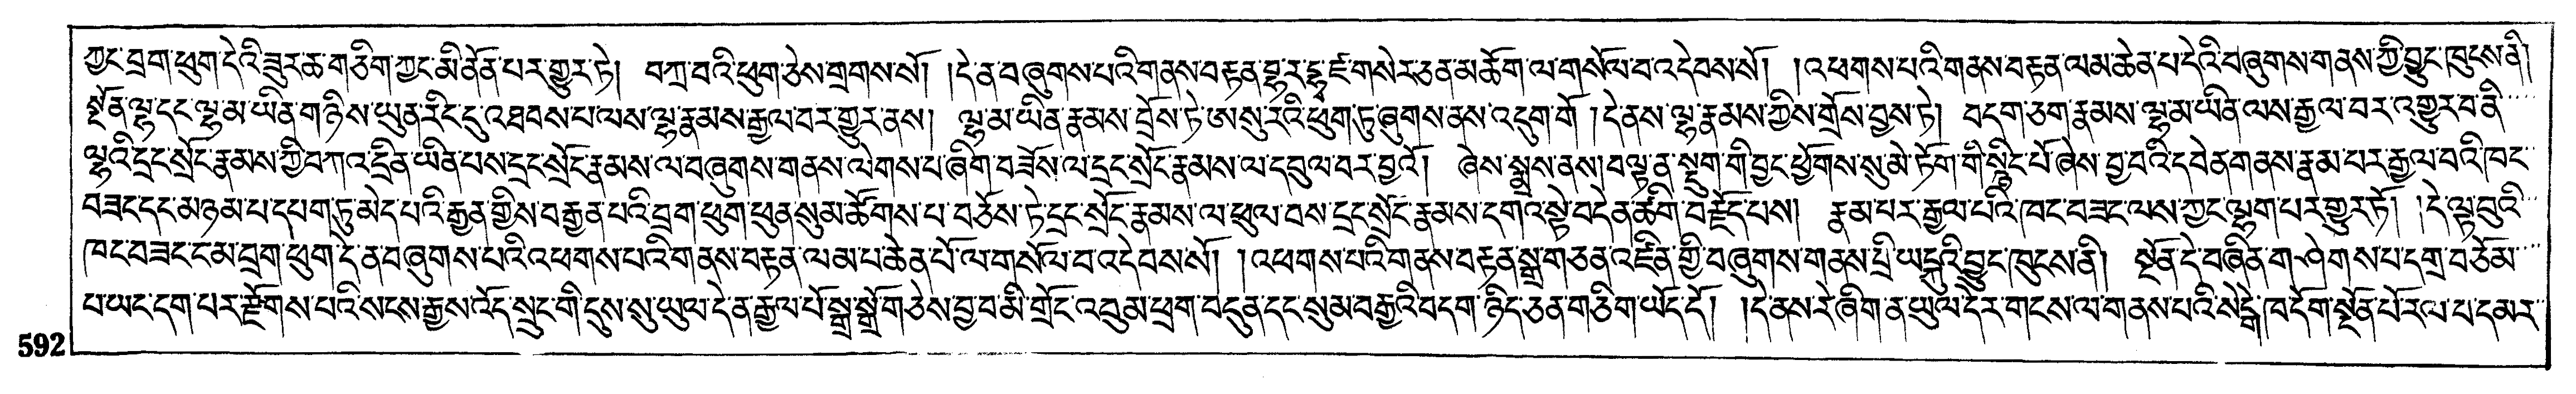ཀྱང་བྲག་ཕུག་དེའི་ཟུར་ཆ་གཅིག་ཀྱང་མི་ནོན་པར་གྱུར་ཏེ། བཀྲ་བའི་ཕུག་ཅེས་གྲགས་སོ། །དེ་ན་བཞུགས་པའི་གནས་བརྟན་བྷ་ར་དྷྭ་ཛ་གསེར་ཅན་མཆོག་ལ་གསོལ་བ་འདེབས་སོ། །འཕགས་པའི་གནས་བརྟན་ལམ་ཆེན་པ་དེའི་བཞུགས་གནས་ཀྱི་བྱུང་ཁུངས་ནི།
སྔོན་ལྷ་དང་ལྷ་མ་ཡིན་གཉིས་ཡུན་རིང་དུ་འཐབས་པ་ལས་ལྷ་རྣམས་རྒྱལ་བར་གྱུར་ནས། ལྷ་མ་ཡིན་རྣམས་བྲོས་ཏེ་ཨ་སུ་རའི་ཕུག་ཏུ་ཞུགས་ནས་འཇུག་གོ །དེ་ནས་ལྷ་རྣམས་ཀྱིས་གྲོས་བྱས་ཏེ། བདག་ཅག་རྣམས་ལྷ་མ་ཡིན་ལས་རྒྱལ་བར་འགྱུར་བ་ནི་
ལྷའི་དྲང་སྲོང་རྣམས་ཀྱི་བཀའ་དྲིན་ཡིན་པས་དྲང་སྲོང་རྣམས་ལ་བཞུགས་གནས་ལེགས་པ་ཞིག་བཟོས་ལ་དྲང་སྲོང་རྣམས་ལ་དབུལ་བར་བྱའོ། ཞེས་སྨྲས་ནས། བལྟ་ན་སྡུག་གི་བྱང་ཕྱོགས་སུ་མེ་ཏོག་གི་སྙིང་པོ་ཞེས་བྱ་བའི་དབེན་གནས་རྣམ་པར་རྒྱལ་བའི་ཁང་
བཟང་དང་མཉམ་པ་དཔག་ཏུ་མེད་པའི་རྒྱན་གྱིས་བརྒྱན་པའི་བྲག་ཕུག་ཕུན་སུམ་ཚོགས་པ་བཅོས་ཏེ་དྲང་སྲོང་རྣམས་ལ་ཕུལ་བས་དྲང་སྲོང་རྣམས་དགའ་སྟེ་བདེན་ཚིག་བརྗོད་པས། རྣམས་པར་རྒྱལ་བའི་ཁང་བཟང་ལས་ཀྱང་ལྷག་པར་གྱུར་ཏོ། །དེ་ལྟ་བུའི་
ཁང་བཟང་དམ་བྲག་ཕུག་དེ་ན་བཞུགས་པའི་འཕགས་པའི་གནས་བརྟན་ལམ་པ་ཆེན་པོ་ལ་གསོལ་བ་འདེབས་སོ། །འཕགས་པའི་གནས་བརྟན་སྒྲ་གཅན་འཛིན་གྱི་བཞུགས་གནས་བྲི་ཡང་ཀུའི་བྱུང་ཁུངས་ནི། སྔོན་དེ་བཞིན་གཤེགས་པ་དགྲ་བཅོམ་
པ་ཡང་དག་པར་རྫོགས་པའི་སངས་རྒྱས་འོད་སྲུང་གི་དུས་སུ་ཡུལ་དེ་ན་རྒྱལ་པོ་སྒྲ་སྒྲོག་ཅེས་བྱ་བ་མི་གྲོང་འབུམ་ཕྲག་བདུན་དང་སུམ་བརྒྱའི་བདག་ཉིད་ཅན་གཅིག་ཡོད་དོ། །དེ་ནས་རེ་ཞིག་ན་ཡུལ་དེར་གངས་ལ་གནས་པའི་སེངྒེ་ཁ་དོག་སྔོན་པོ་རལ་པ་དམར་